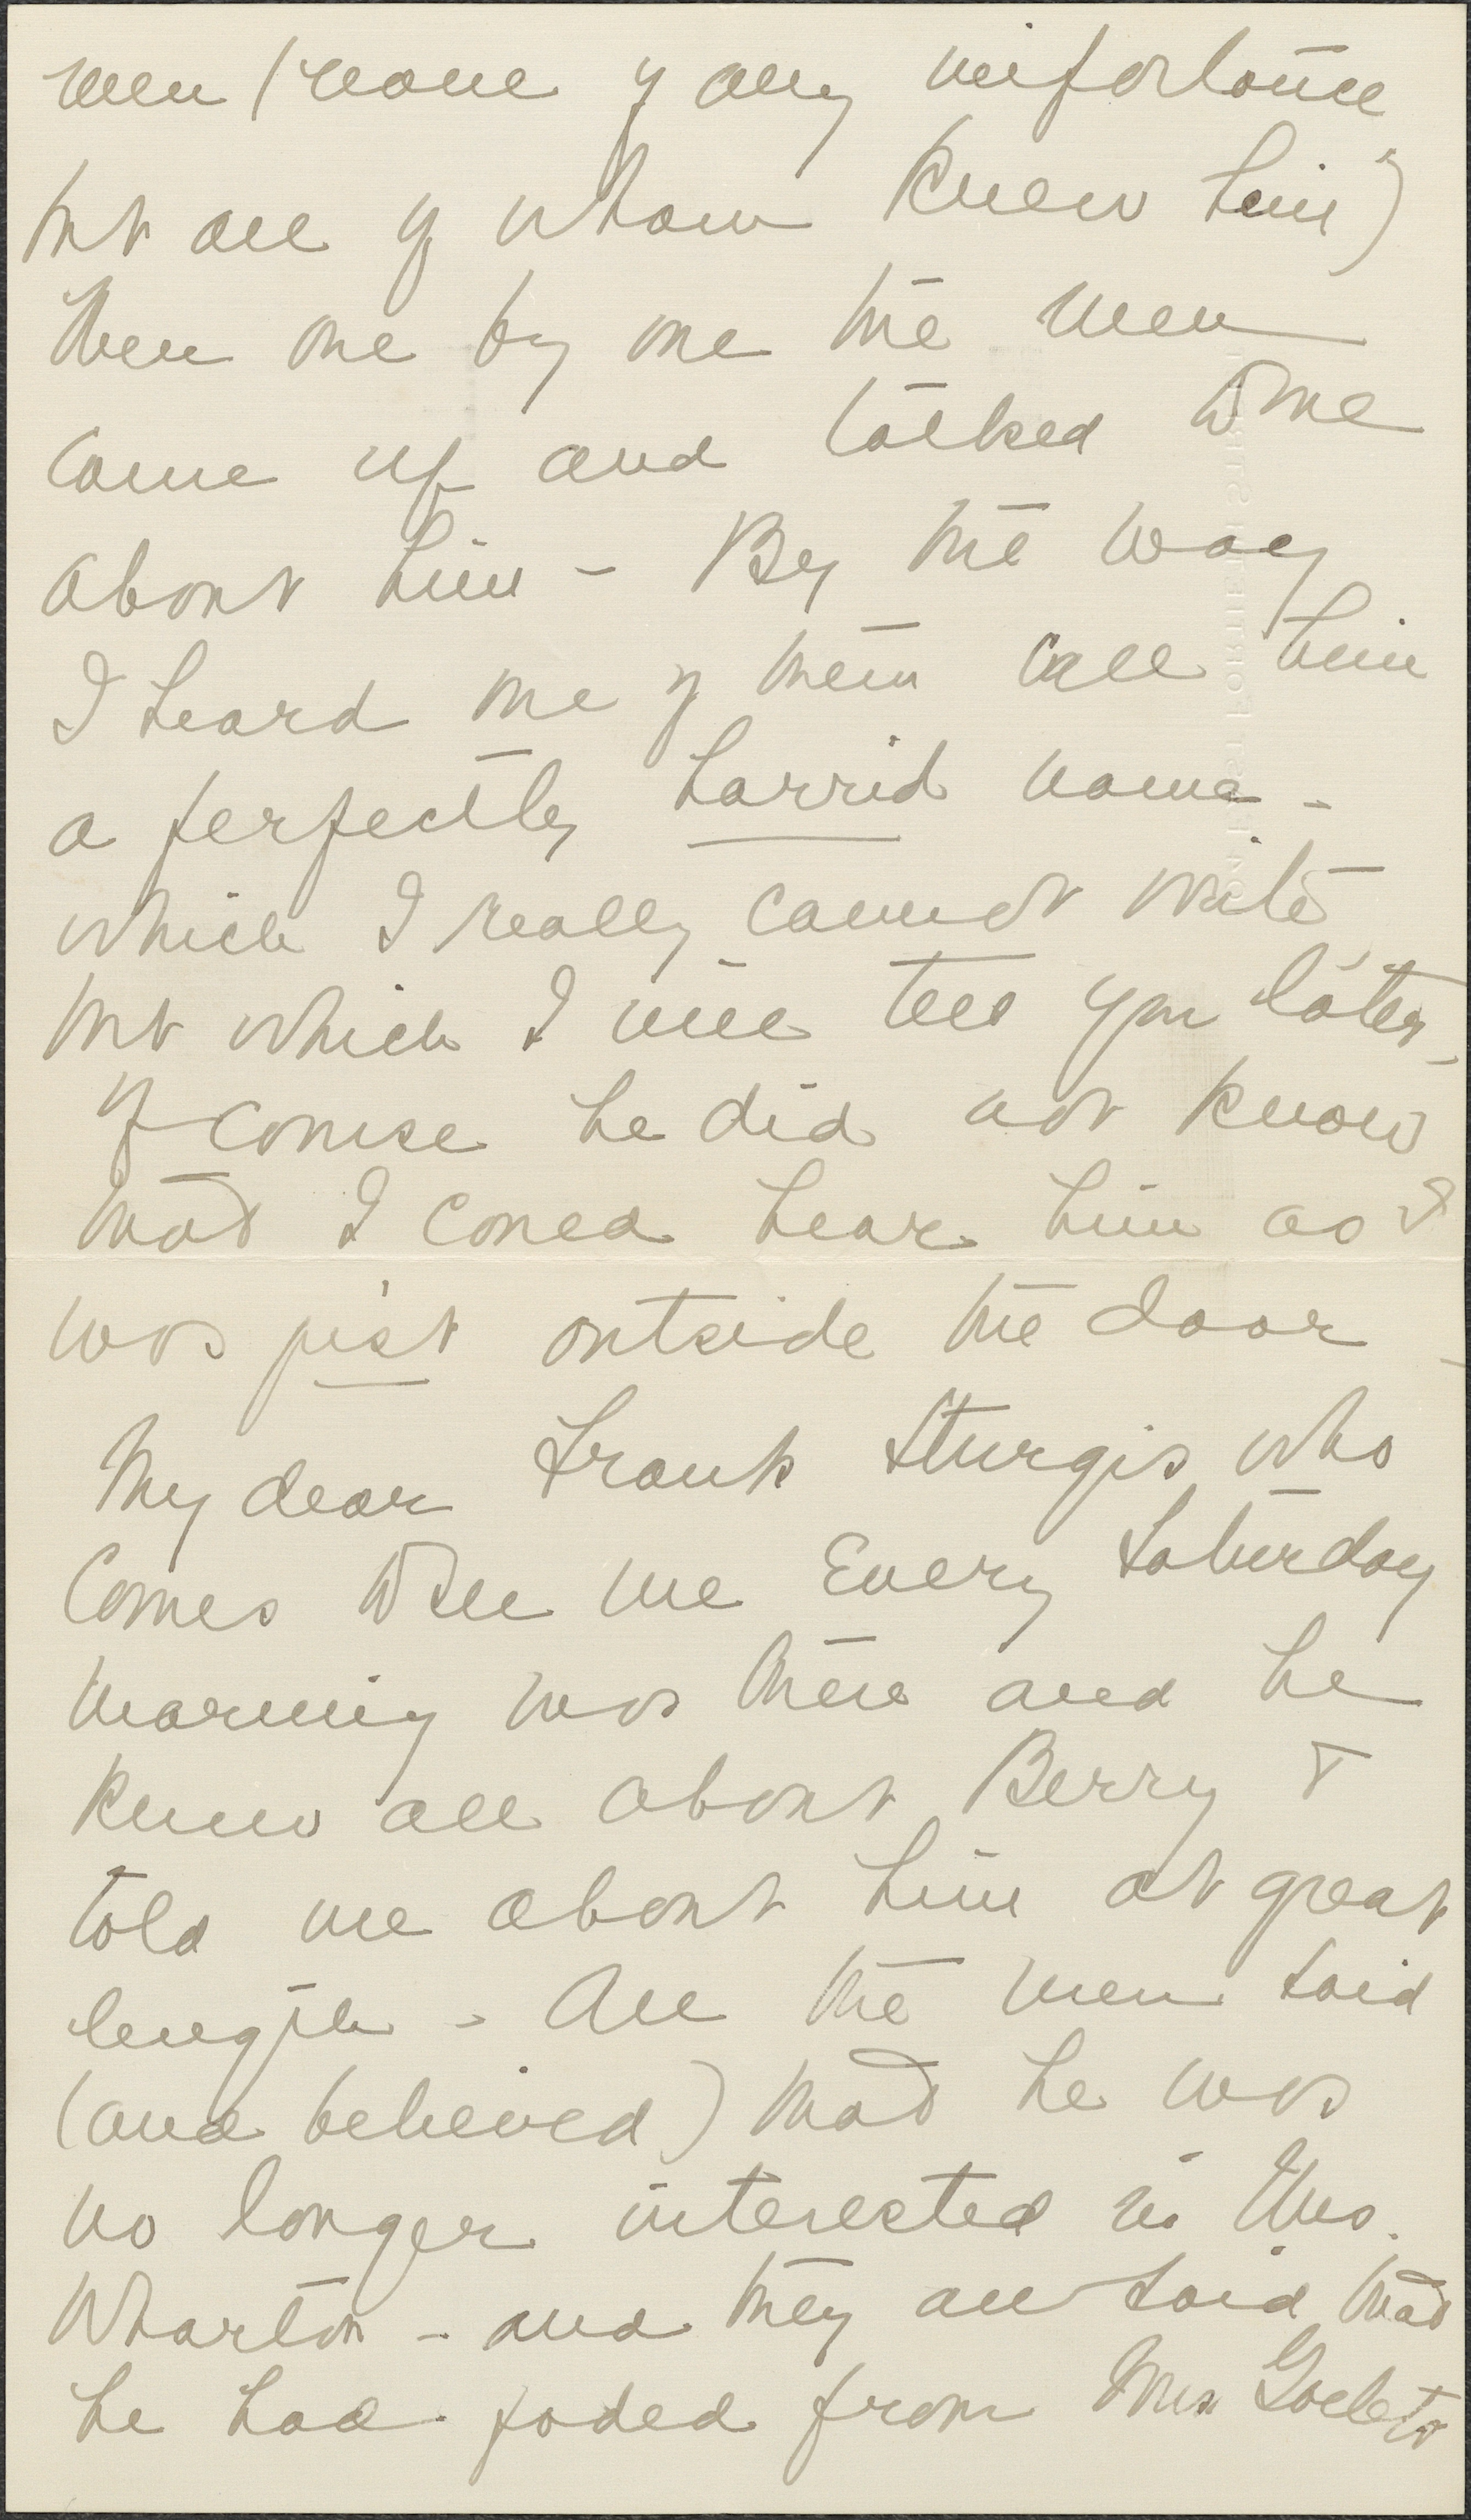men (none of any importance but all of whom knew him) Then one by one the men came up and talked to me about him – By the way I heard one of them call him a perfectly horrid name – which I really cannot write but which I will tell you later –
of course he did not know that I could hear him as I was just outside the door –
My dear Frank Sturgis who comes to see me every Saturday morning was there and he knew all about Berry & told me about him at great length – All the men said (and believed) that he was no longer interested in Mrs. Wharton – and they all said that he had faded from Mrs. Goelets